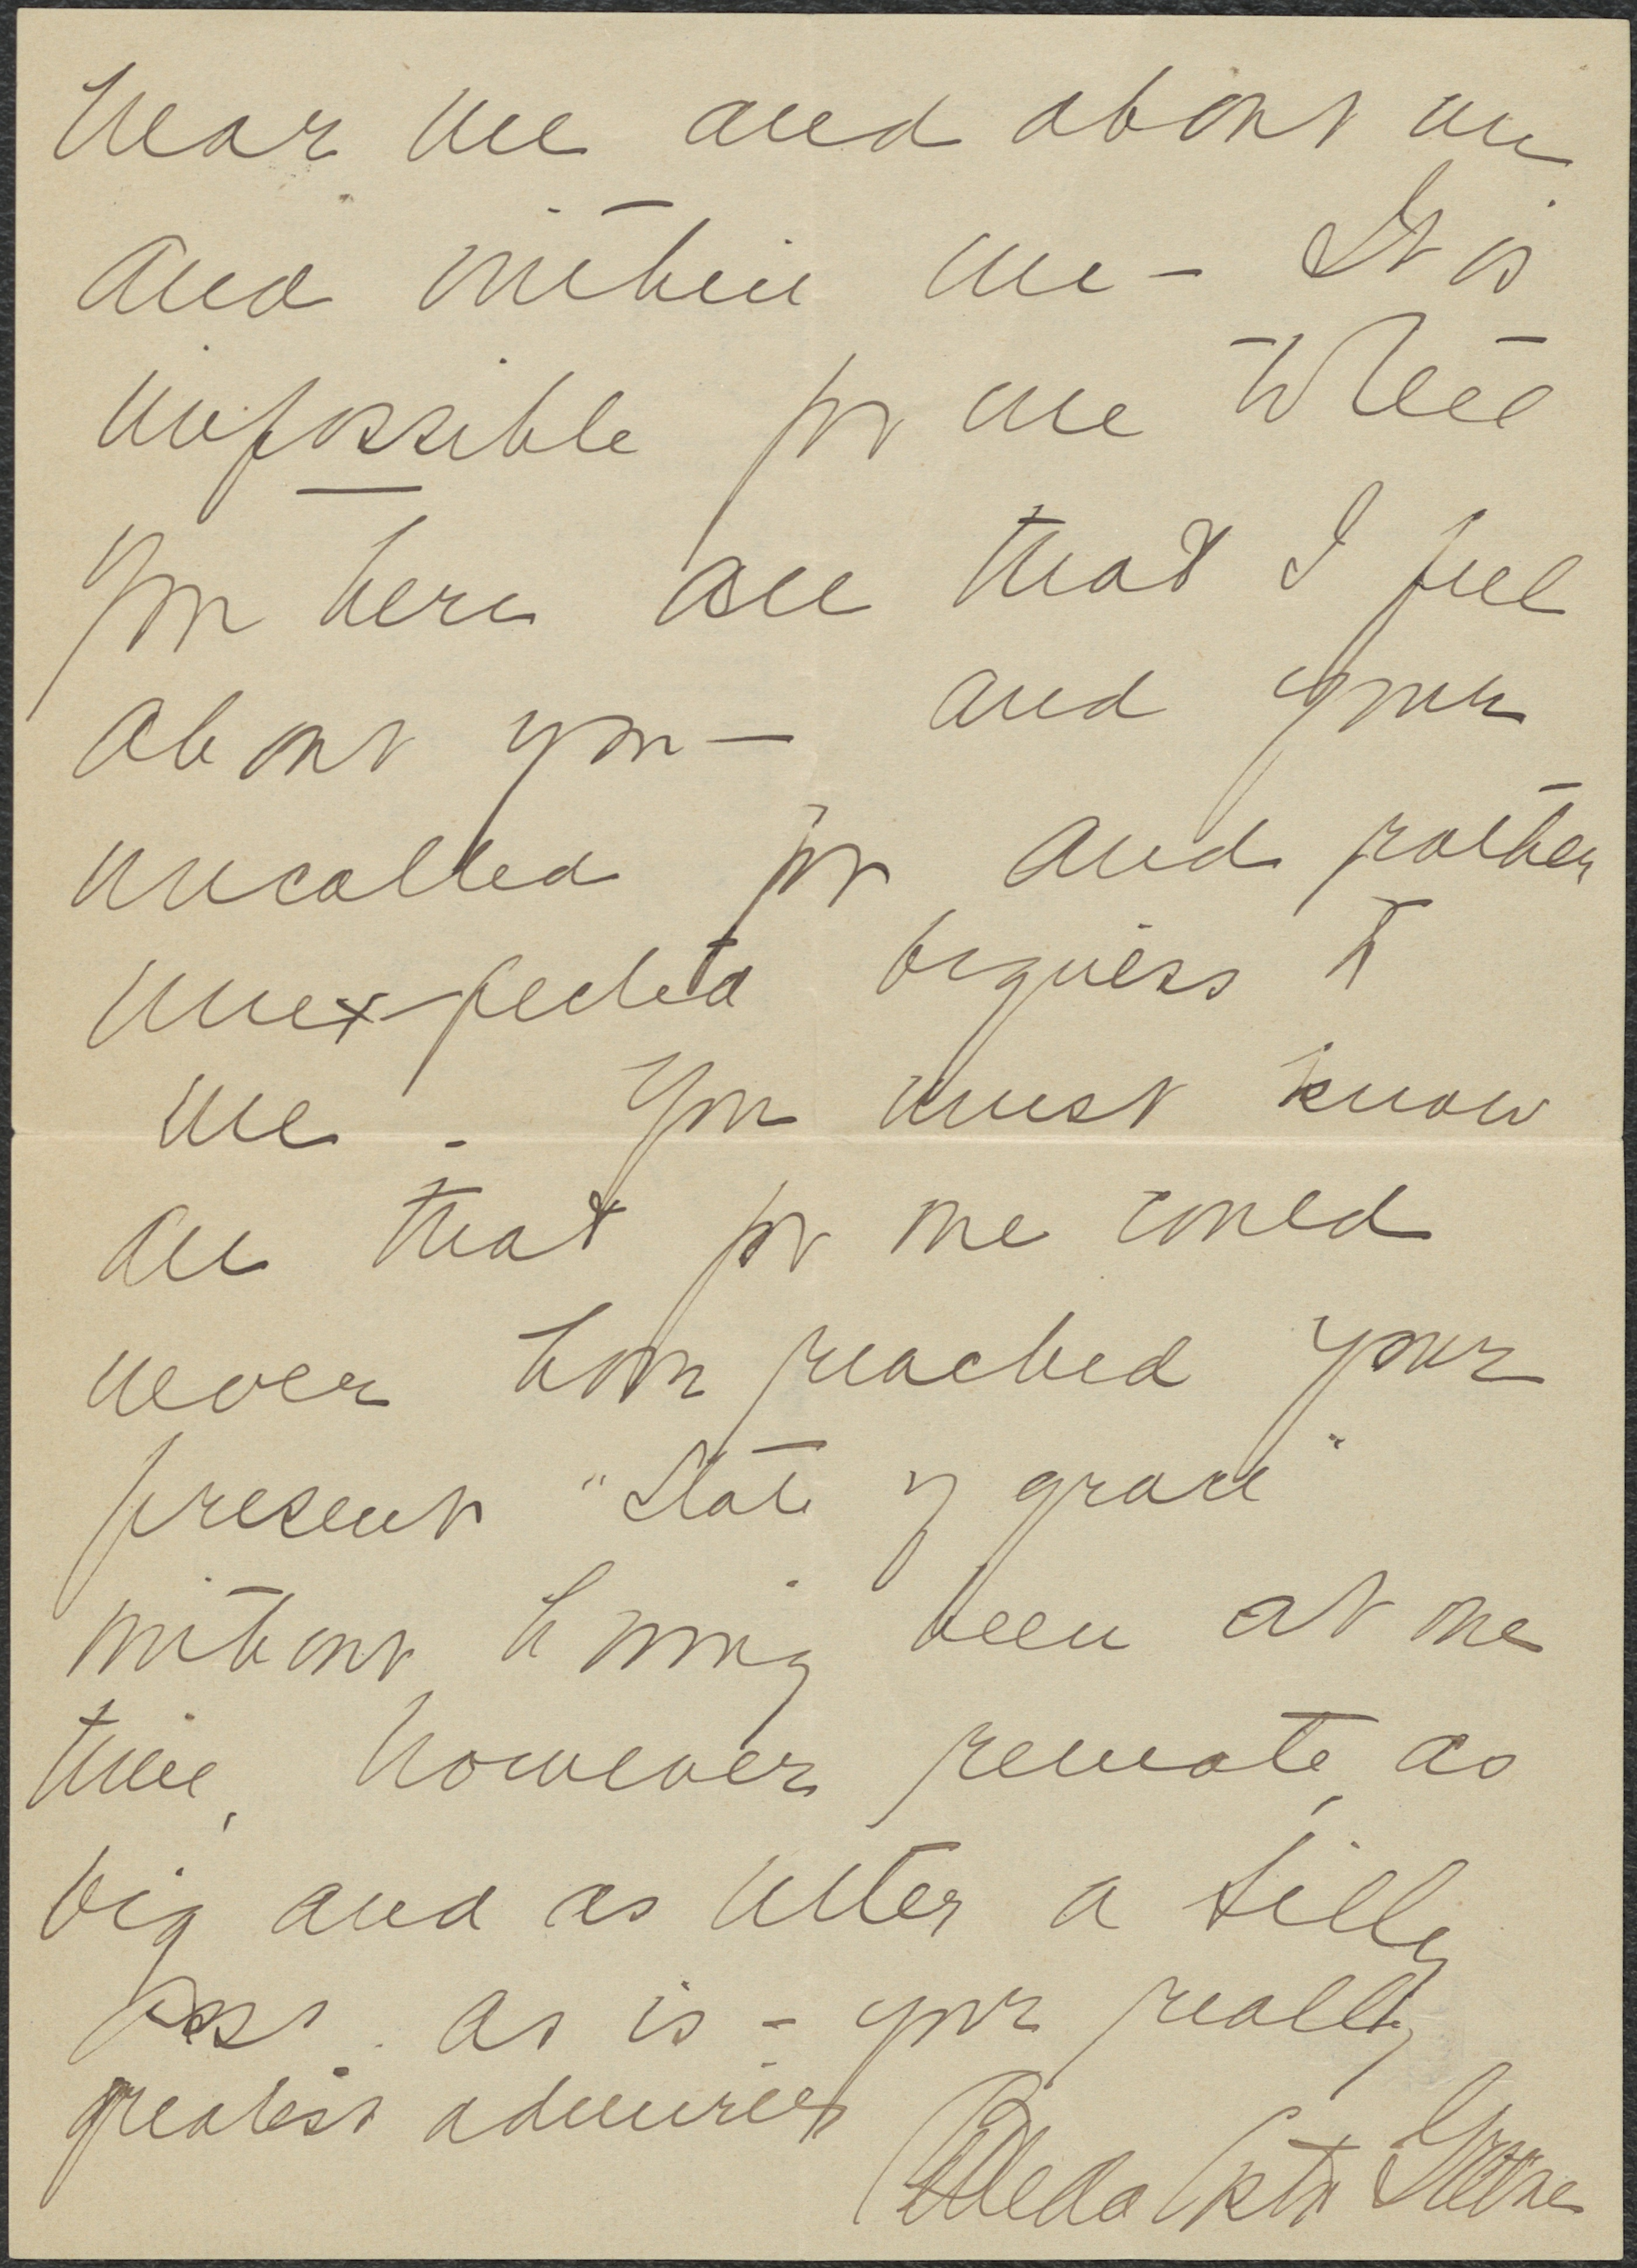near me and about me and within me – It is impossible for me to tell you here all that I feel about you – and your uncalled for and rather unexpected bigness to me – You must know all that for me could never have reached your present “state of grace” without having been at one time, however remote, as big and as utter a silly ass as is – your really greatest admirer
Belle da Costa Greene